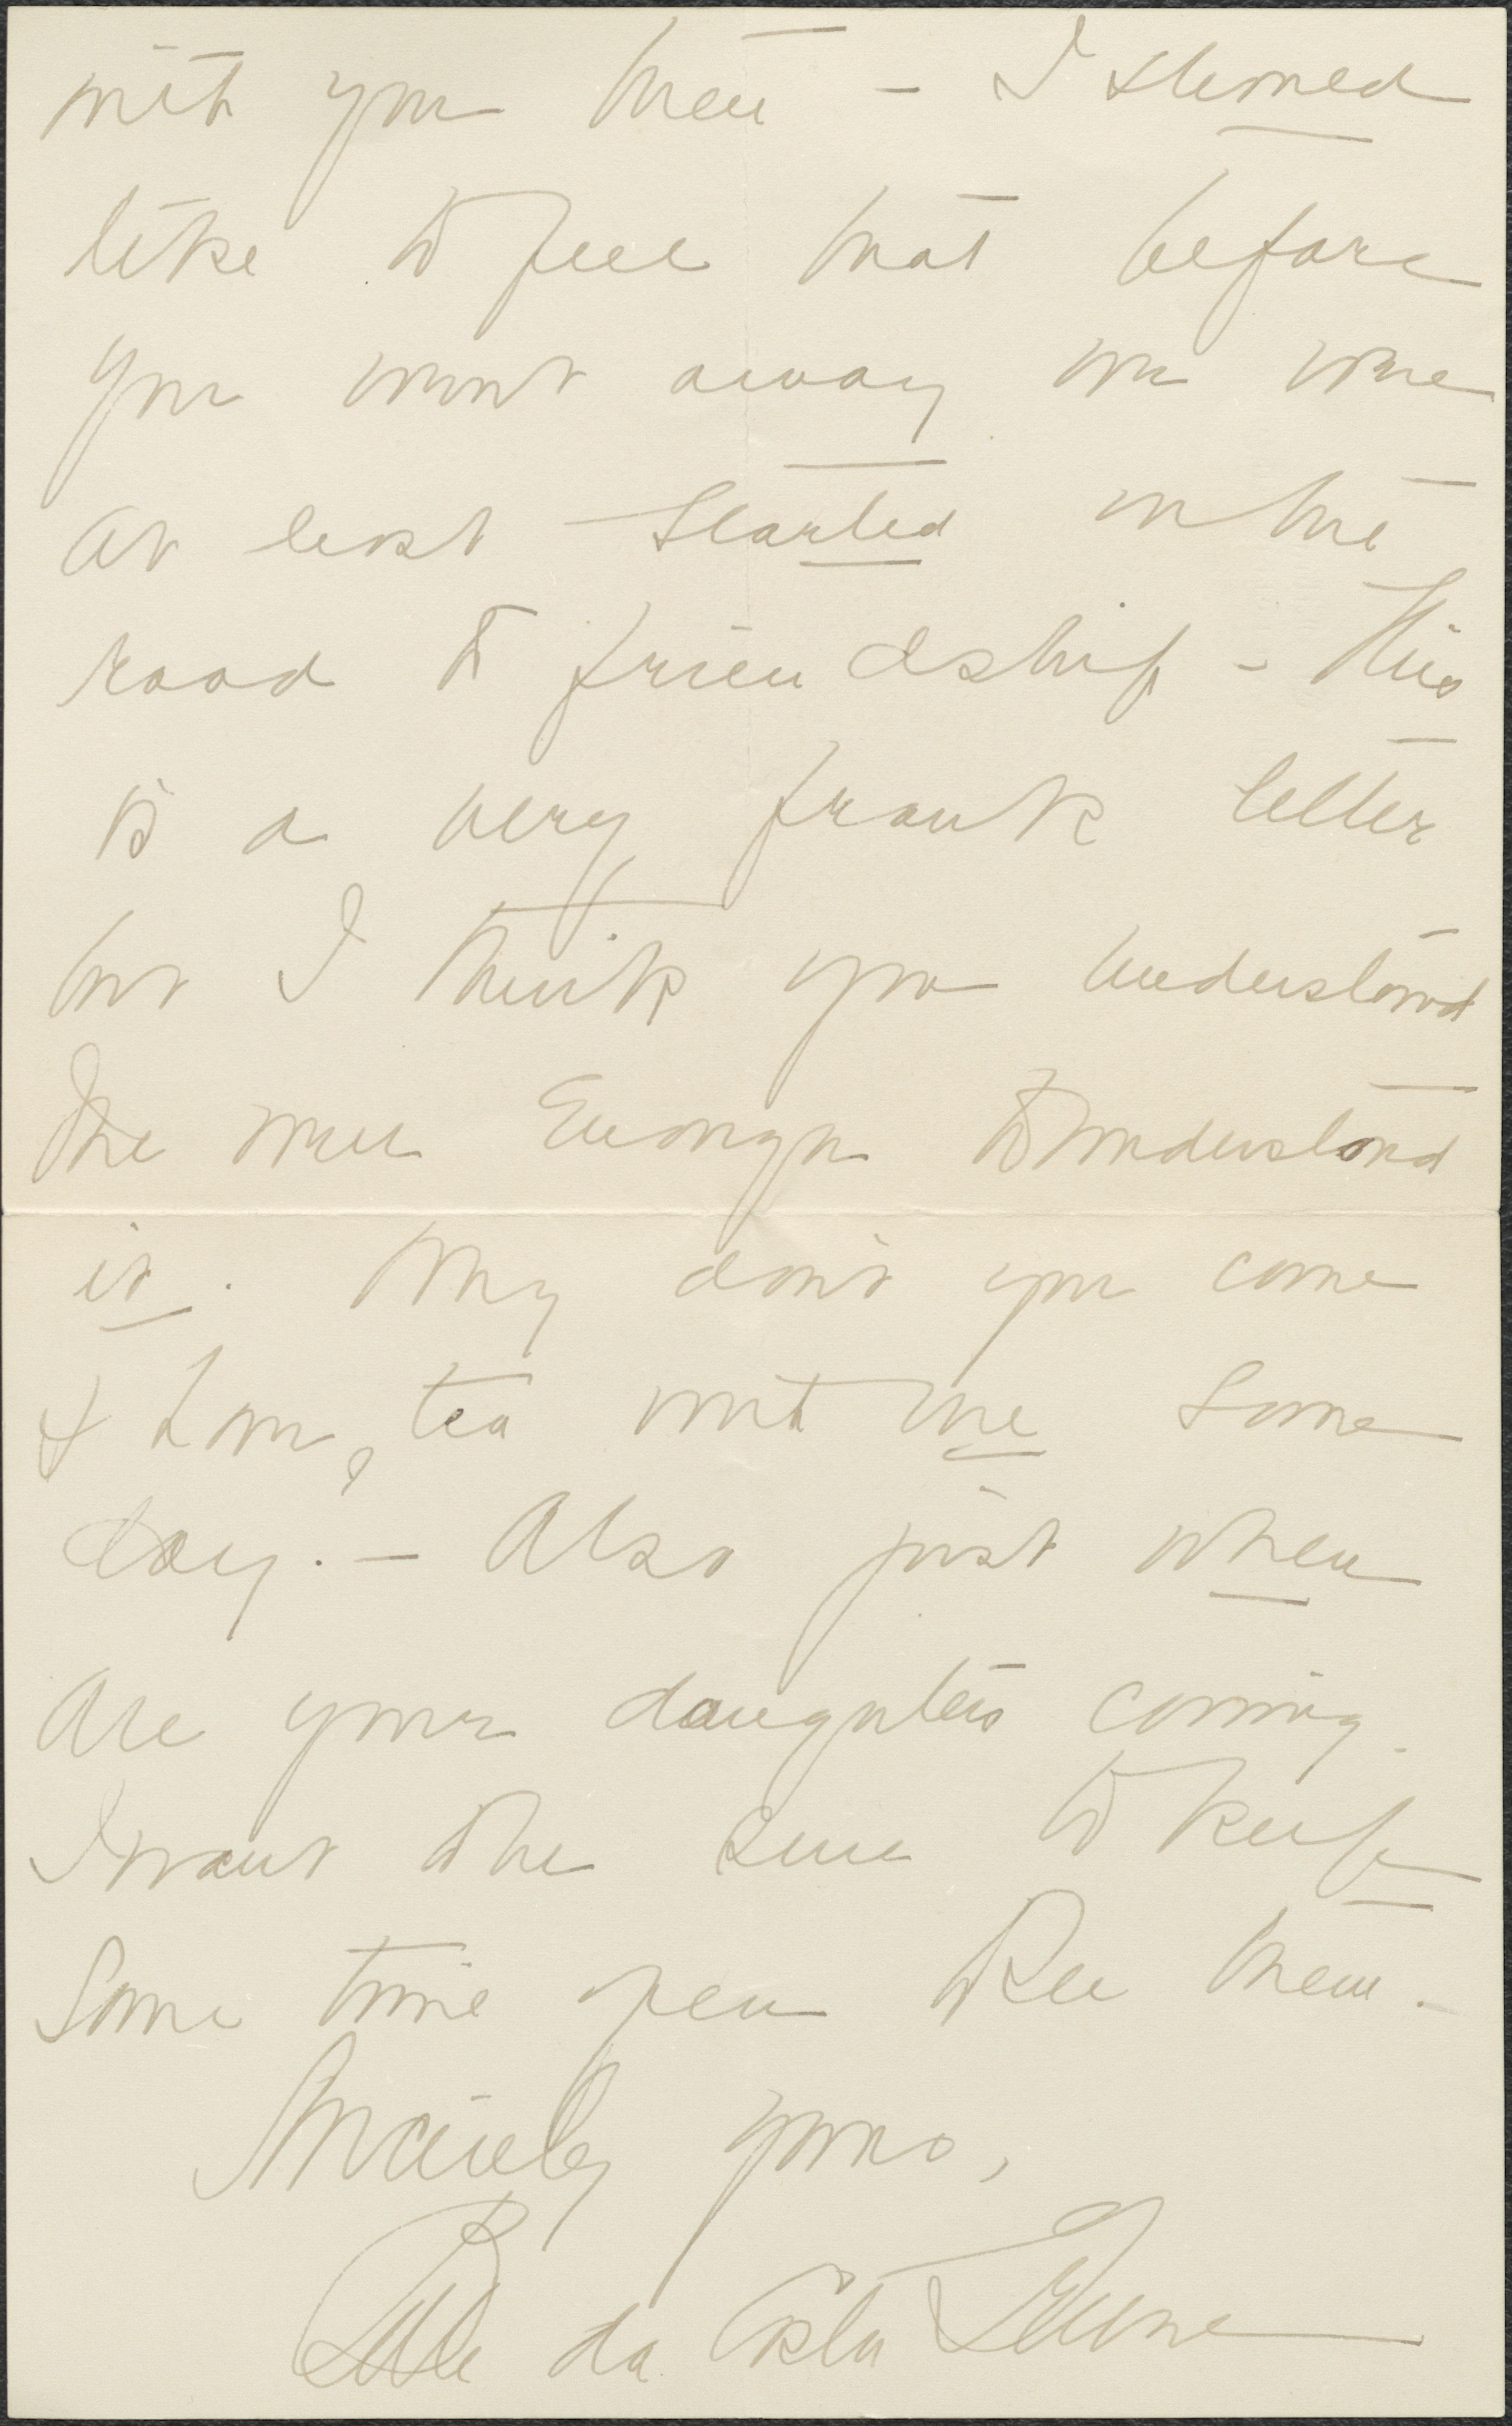with you then – I should like to feel that before you went away we were at least started on the road to friendship – This is a very frank letter but I think you understand me well enough to understand it. Why don’t you come & have tea with me some day? – Also just when are your daughters coming. I want to be sure to keep some time open to see them –
Sincerely yours,
Belle da Costa Greene